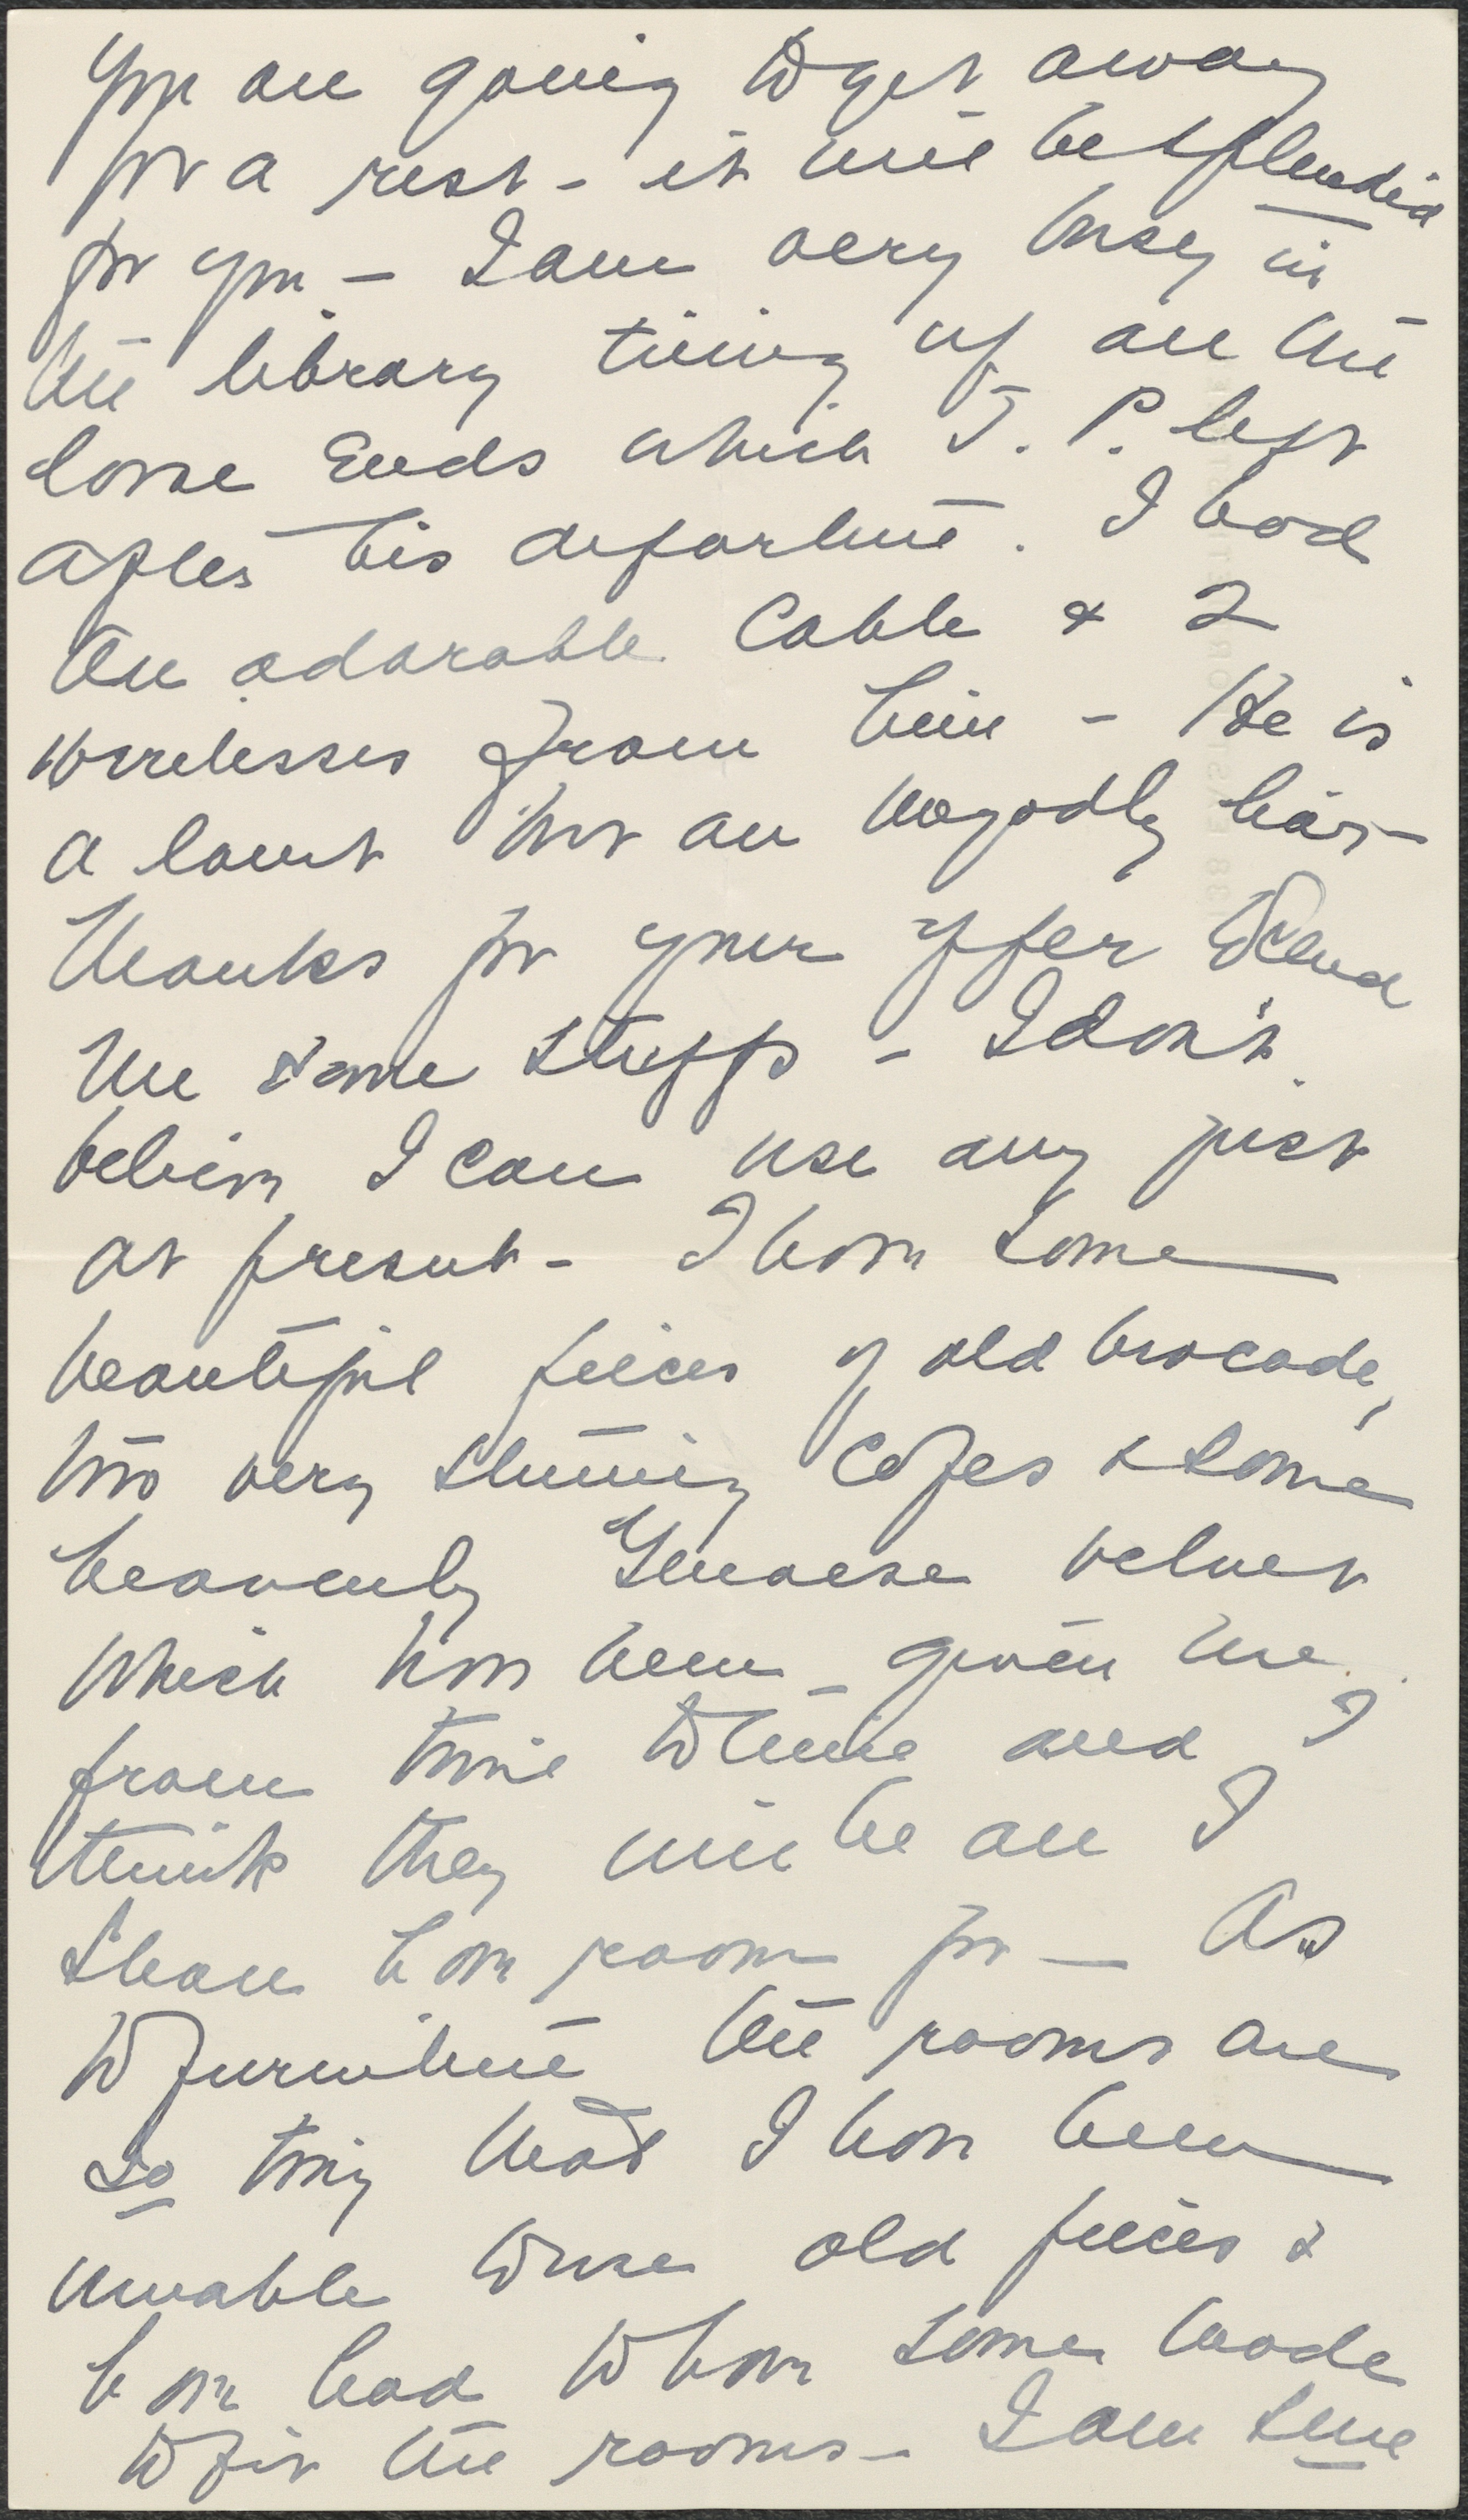you are going to get away for a rest – it will be splendid for you – I am very busy in the library tieing [sic] up all the loose ends which J.P. left after his departure. I had an adorable cable & 2 wirelesses from him – He is a lamb but an ungodly liar – Thanks for your offer to send me some stuffs – I don’t believe I can use any just at present – I have some beautiful pieces of old brocade, two very stunning capes & some heavenly Genoese velvet which have been give me from time to time and I think they will be all I shall have room for – As to furniture the rooms are so tiny that I have been unable to use old pieces & have had to have some made to fit the rooms – I am sure